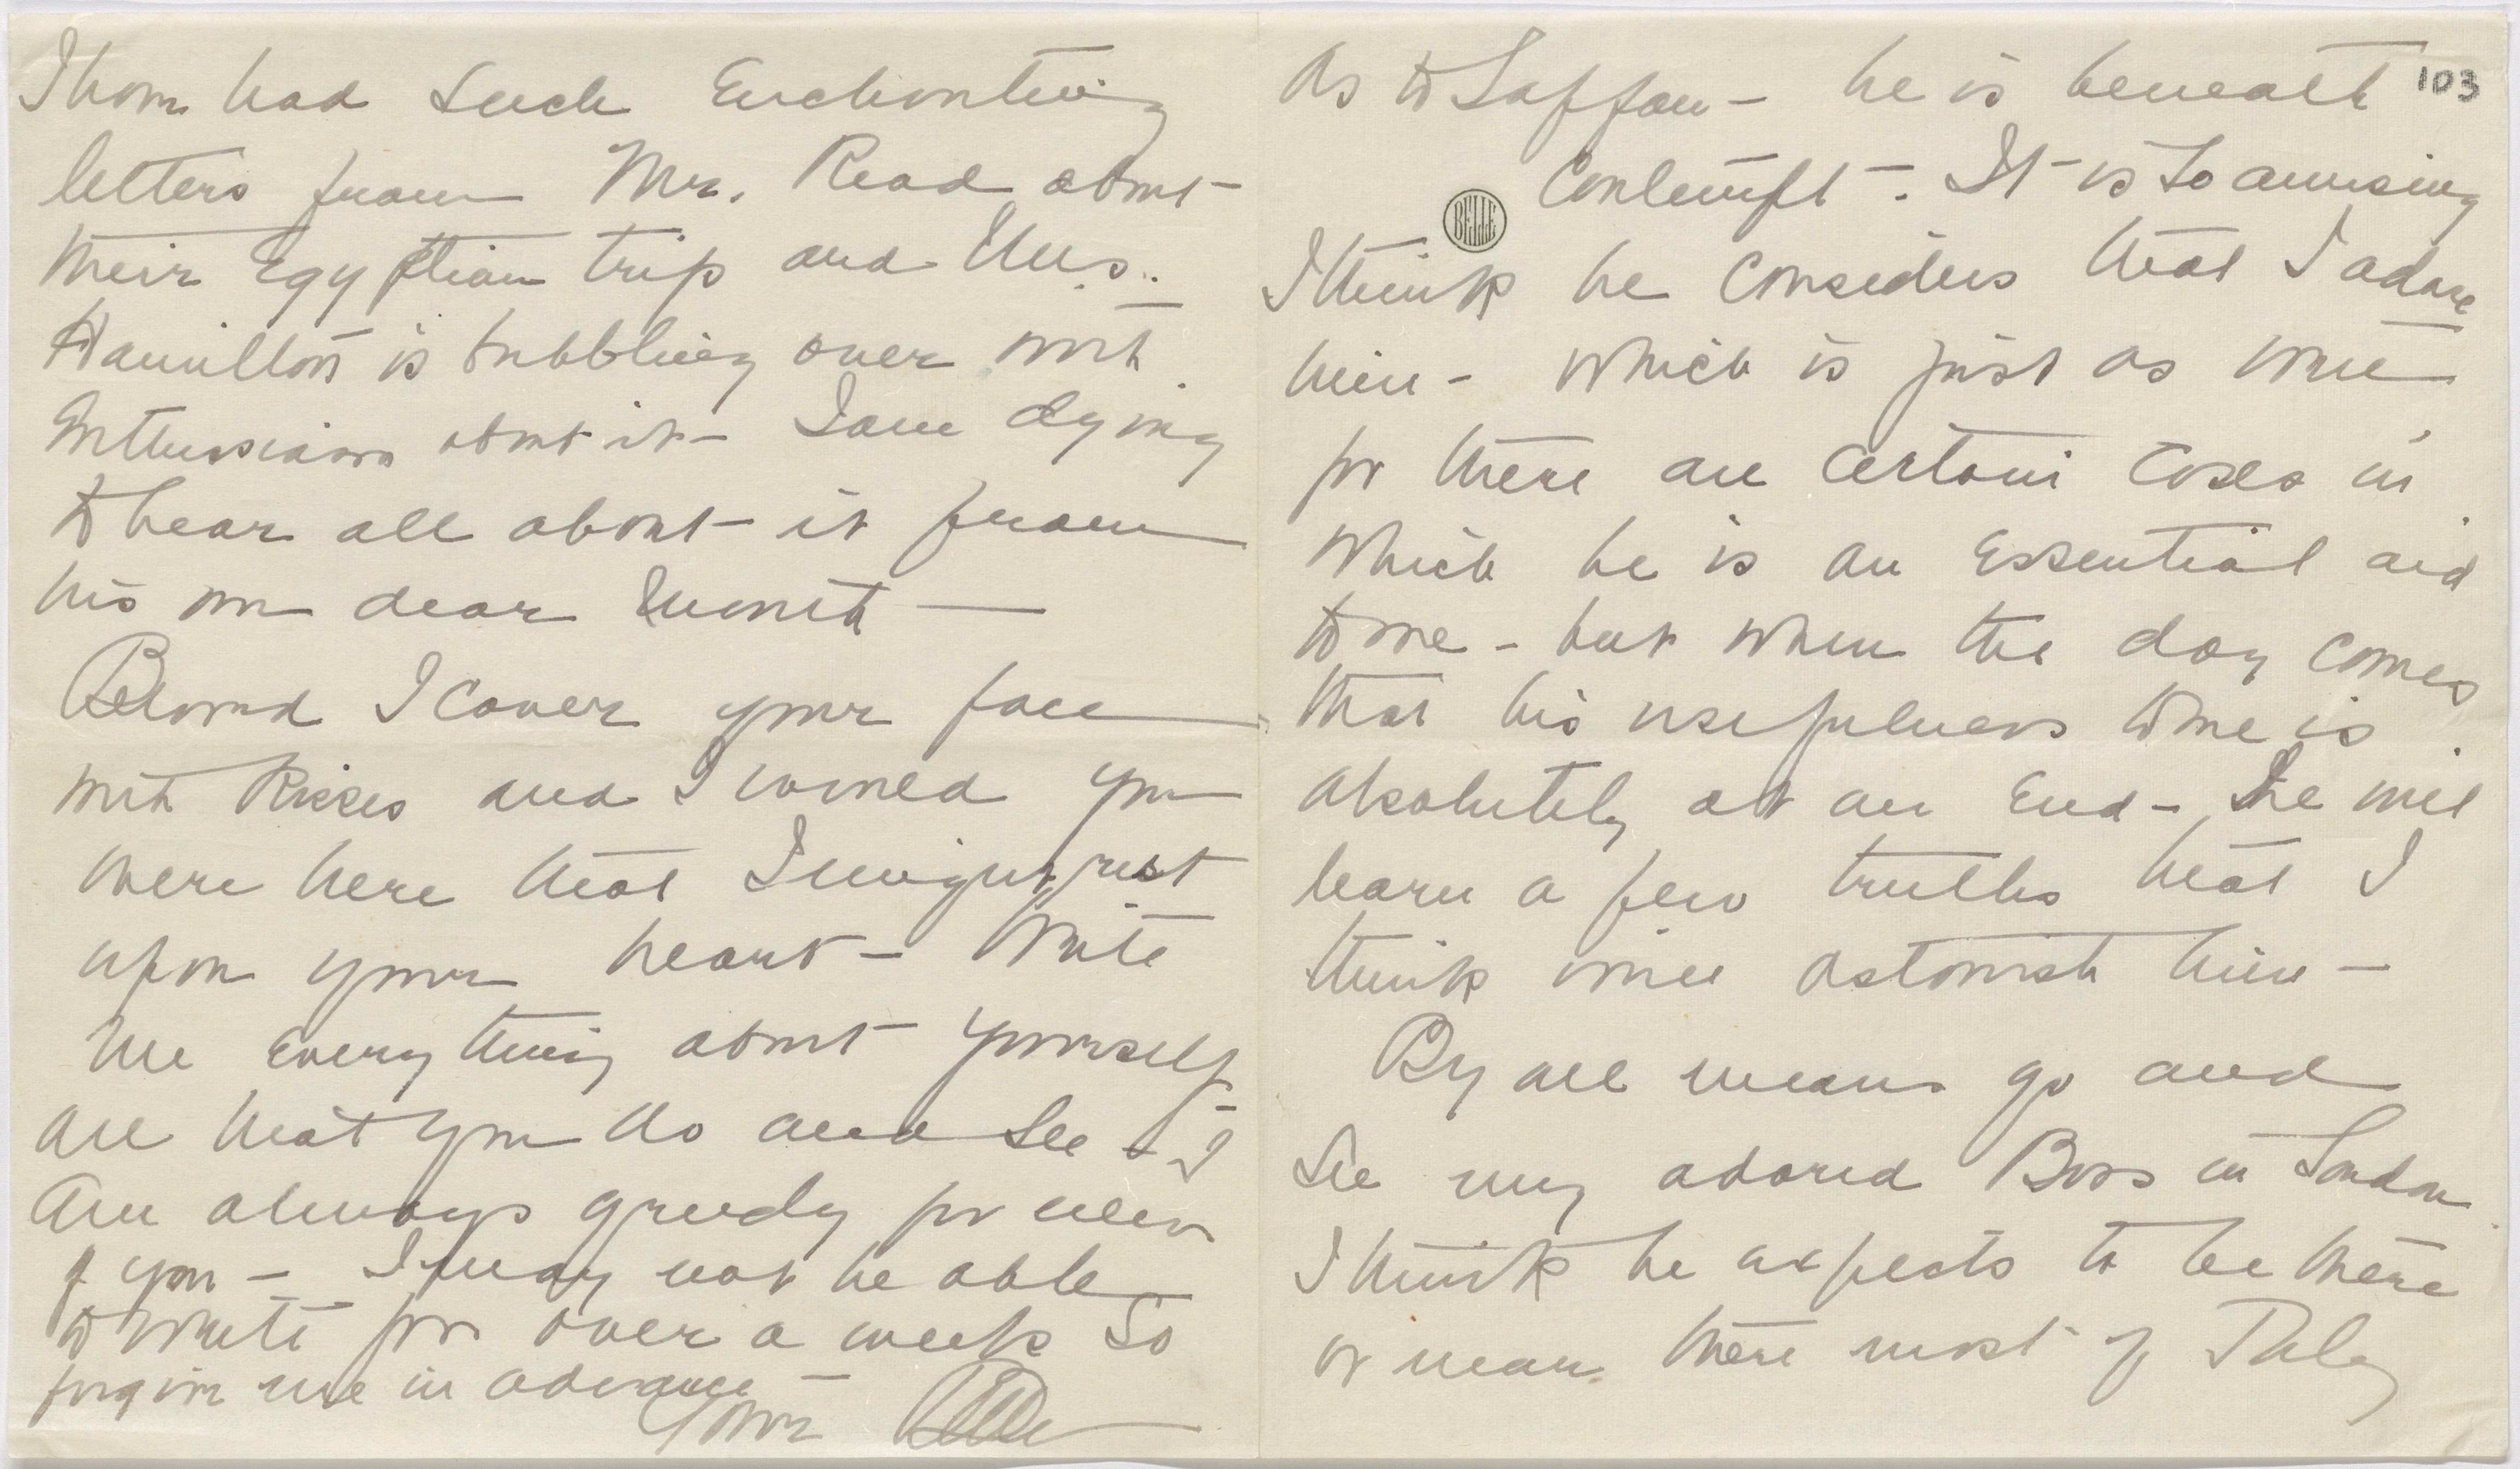as to Laffan – he is beneath contempt. It is so amusing I think he considers that I adore him – which is just as well for there are certain cases in which he is an essential aid to me – but when the day comes that his usefulness to me is absolutely at an end – he will learn a few truths that I think will astonish him –
By all means go and see my adored Boss in London. I think he expects to be there or near there most of July
I have had such enchanting letters from Mr. Read about their Egyptian trip and Mrs. Hamilton is bubbling over with enthusiasm about it – I am dying to hear all about it from his own dear mouth –
Beloved I cover your face with kisses and I would you were here that I might rest upon your heart – write me every thing about yourself – all that you do and see – I am always greedy for news of you – I may not be able to write for over a week so forgive me in advance –
Your Belle